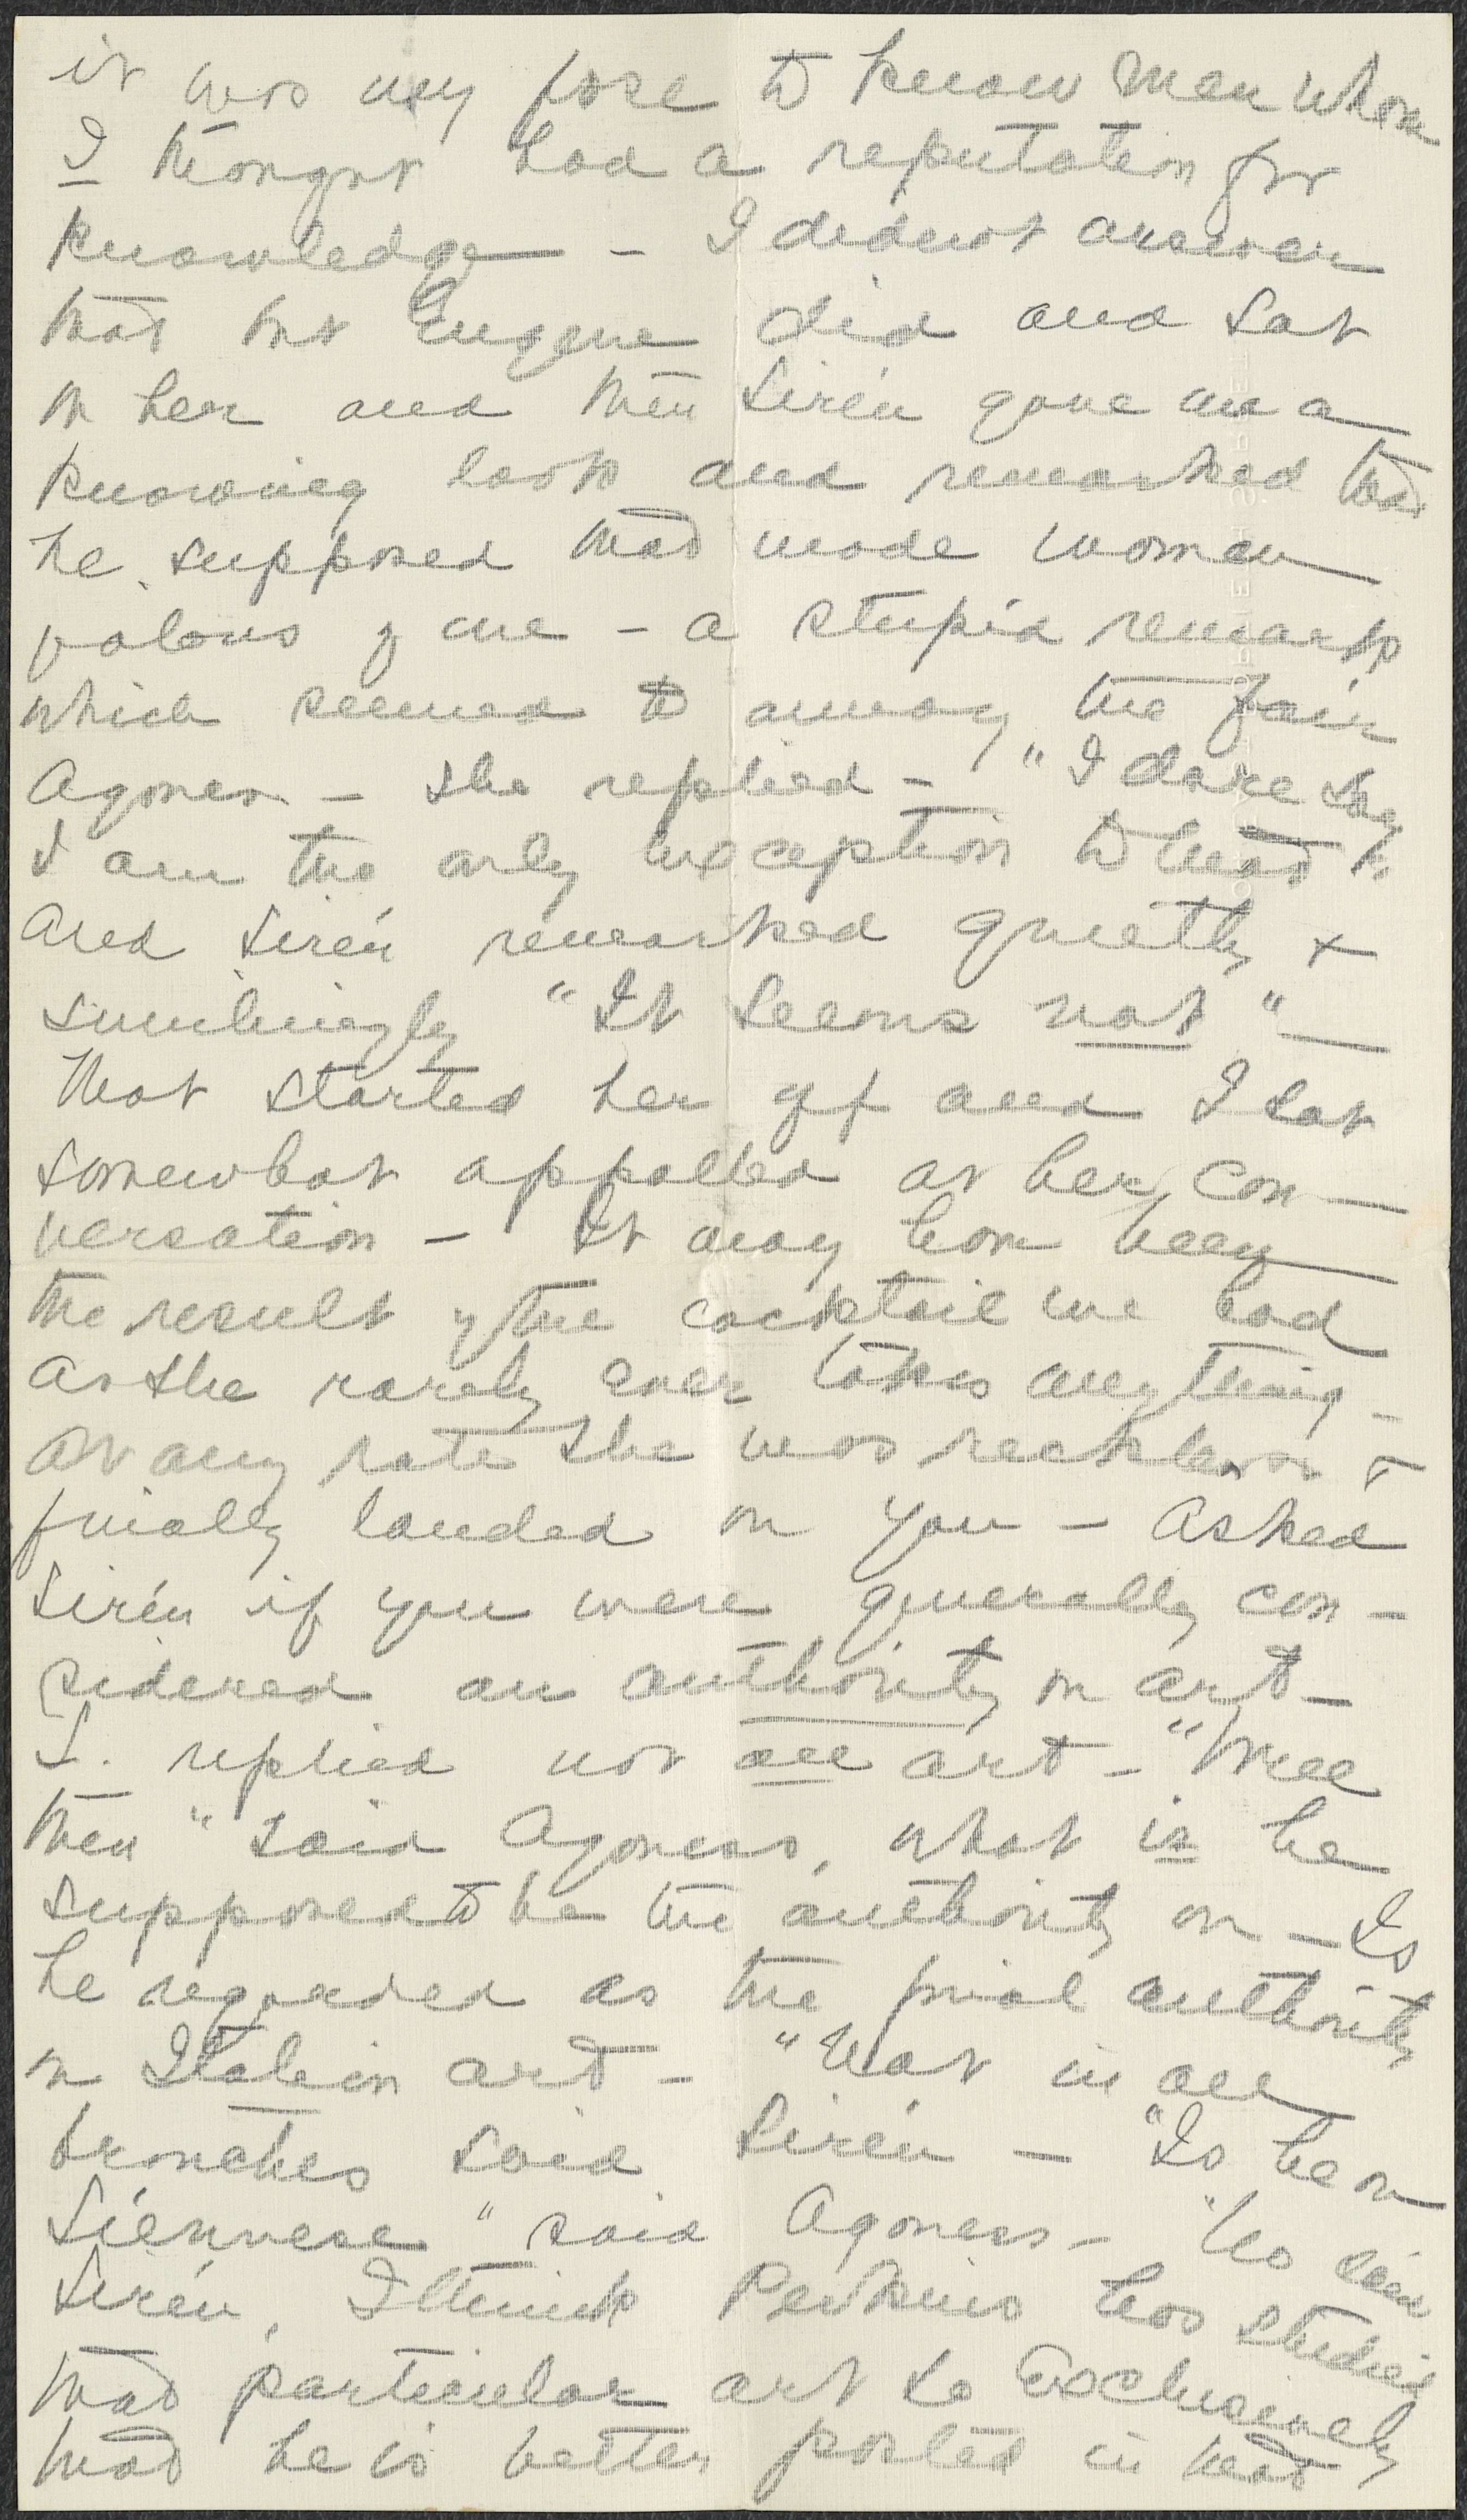it was my pose to know men whom I thought had a reputation for knowledge – I didn’t answer that but Eugene did and sat on her and then Sirén gave me a knowing look and remarked that he supposed that made women jealous of me – a stupid remark which seemed to annoy the fair Agoness – she replied – “I dare say I am the only exception to that” and Sirén remarked quietly & smilingly “It seems not” – That started her off and I sat somewhat appalled at her conversation – It may have been the result of the cocktail we had as she rarely ever takes anything – At any rate she was reckless & finally landed on you – asked Sirén if you were generally considered an authority on art – S. replied not all art – “Well then” said Agoness, what is he supposed to be the authority on – Is he regarded as the final authority on Italian art – “Not in all branches said Sirén – “Is he on Siennese [sic]” said Agoness – “No said Sirén, I think Perkins has studied that particular art so exclusively that he is better posted in that